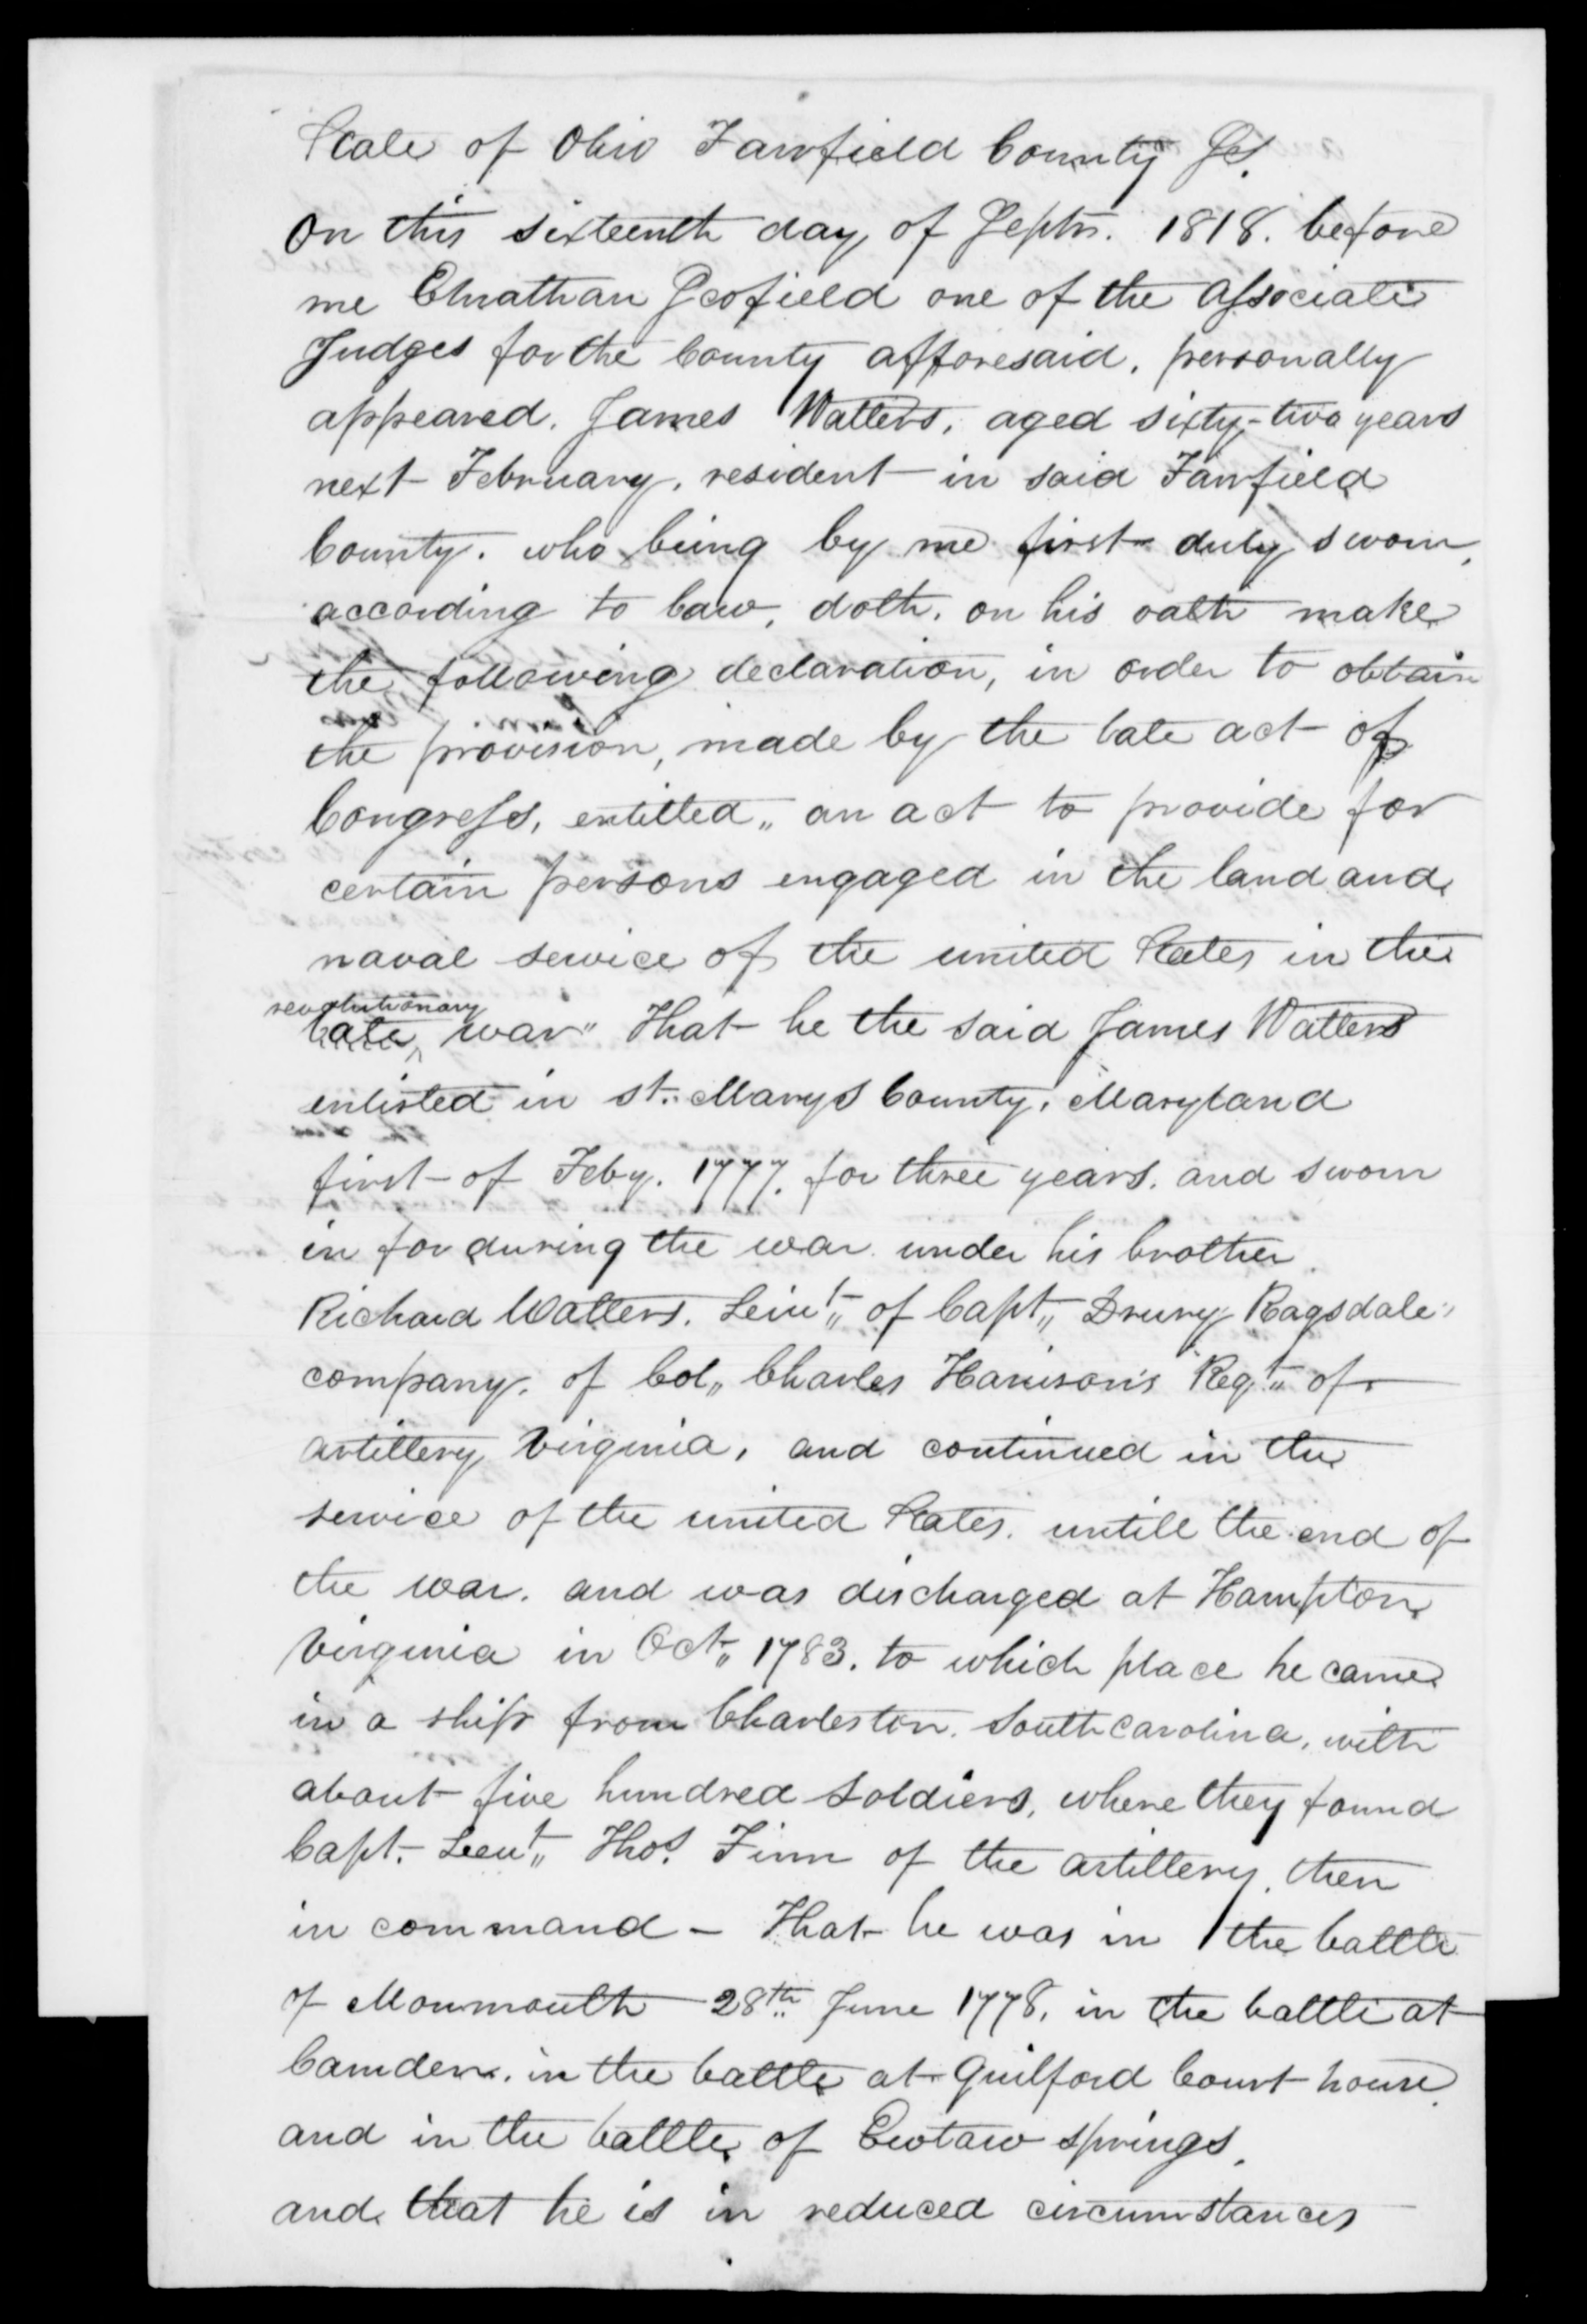State of Ohio Fairfield County  ss.
On this sixteenth day of Septm. 1818. before me Elnathan Scofield one of the associate Judges for the County afforesaid, personally appeared James Watters, aged sixty-two years next February, resident in said Fairfield County, who being by me first duly sworn according to law, doth, on his oath make the following declaration, in order to obtain the provision made by the late act of Congress, entitled "an act to provide for certain persons engaged in the land and naval service of the united States in the revolutionary war". That he the said James Watters enlisted in st. Marys County, Maryland first of Feby. 1777 for three years, and sworn in for during the war under his brother Richard Watters, Leiut. of Capt. Drury Ragsdales company, of Col. Charles Harrison's Regt of Artillery Virginia, and continued in the service of the united States untill the end of the war, and was discharged at Hampton Virginia in Oct. 1783 to which place he came
in a ship from Charleston, South Carolina, with about five hundred soldiers, where they found Capt. Lieut. Thos. Finn of the artillery then in command-- That he was in the battle of Monmouth 28th June 1778, in the battle at Camden, in the battle at Guilford Court house and in the battle of Eutaw springs and that he is in reduced circumstances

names: Thos Finn, Richard Watters, Elnathan Scofield, James Watters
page: 11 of 29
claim: survivor's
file: S. 40642, James Waters, Continental (Md)